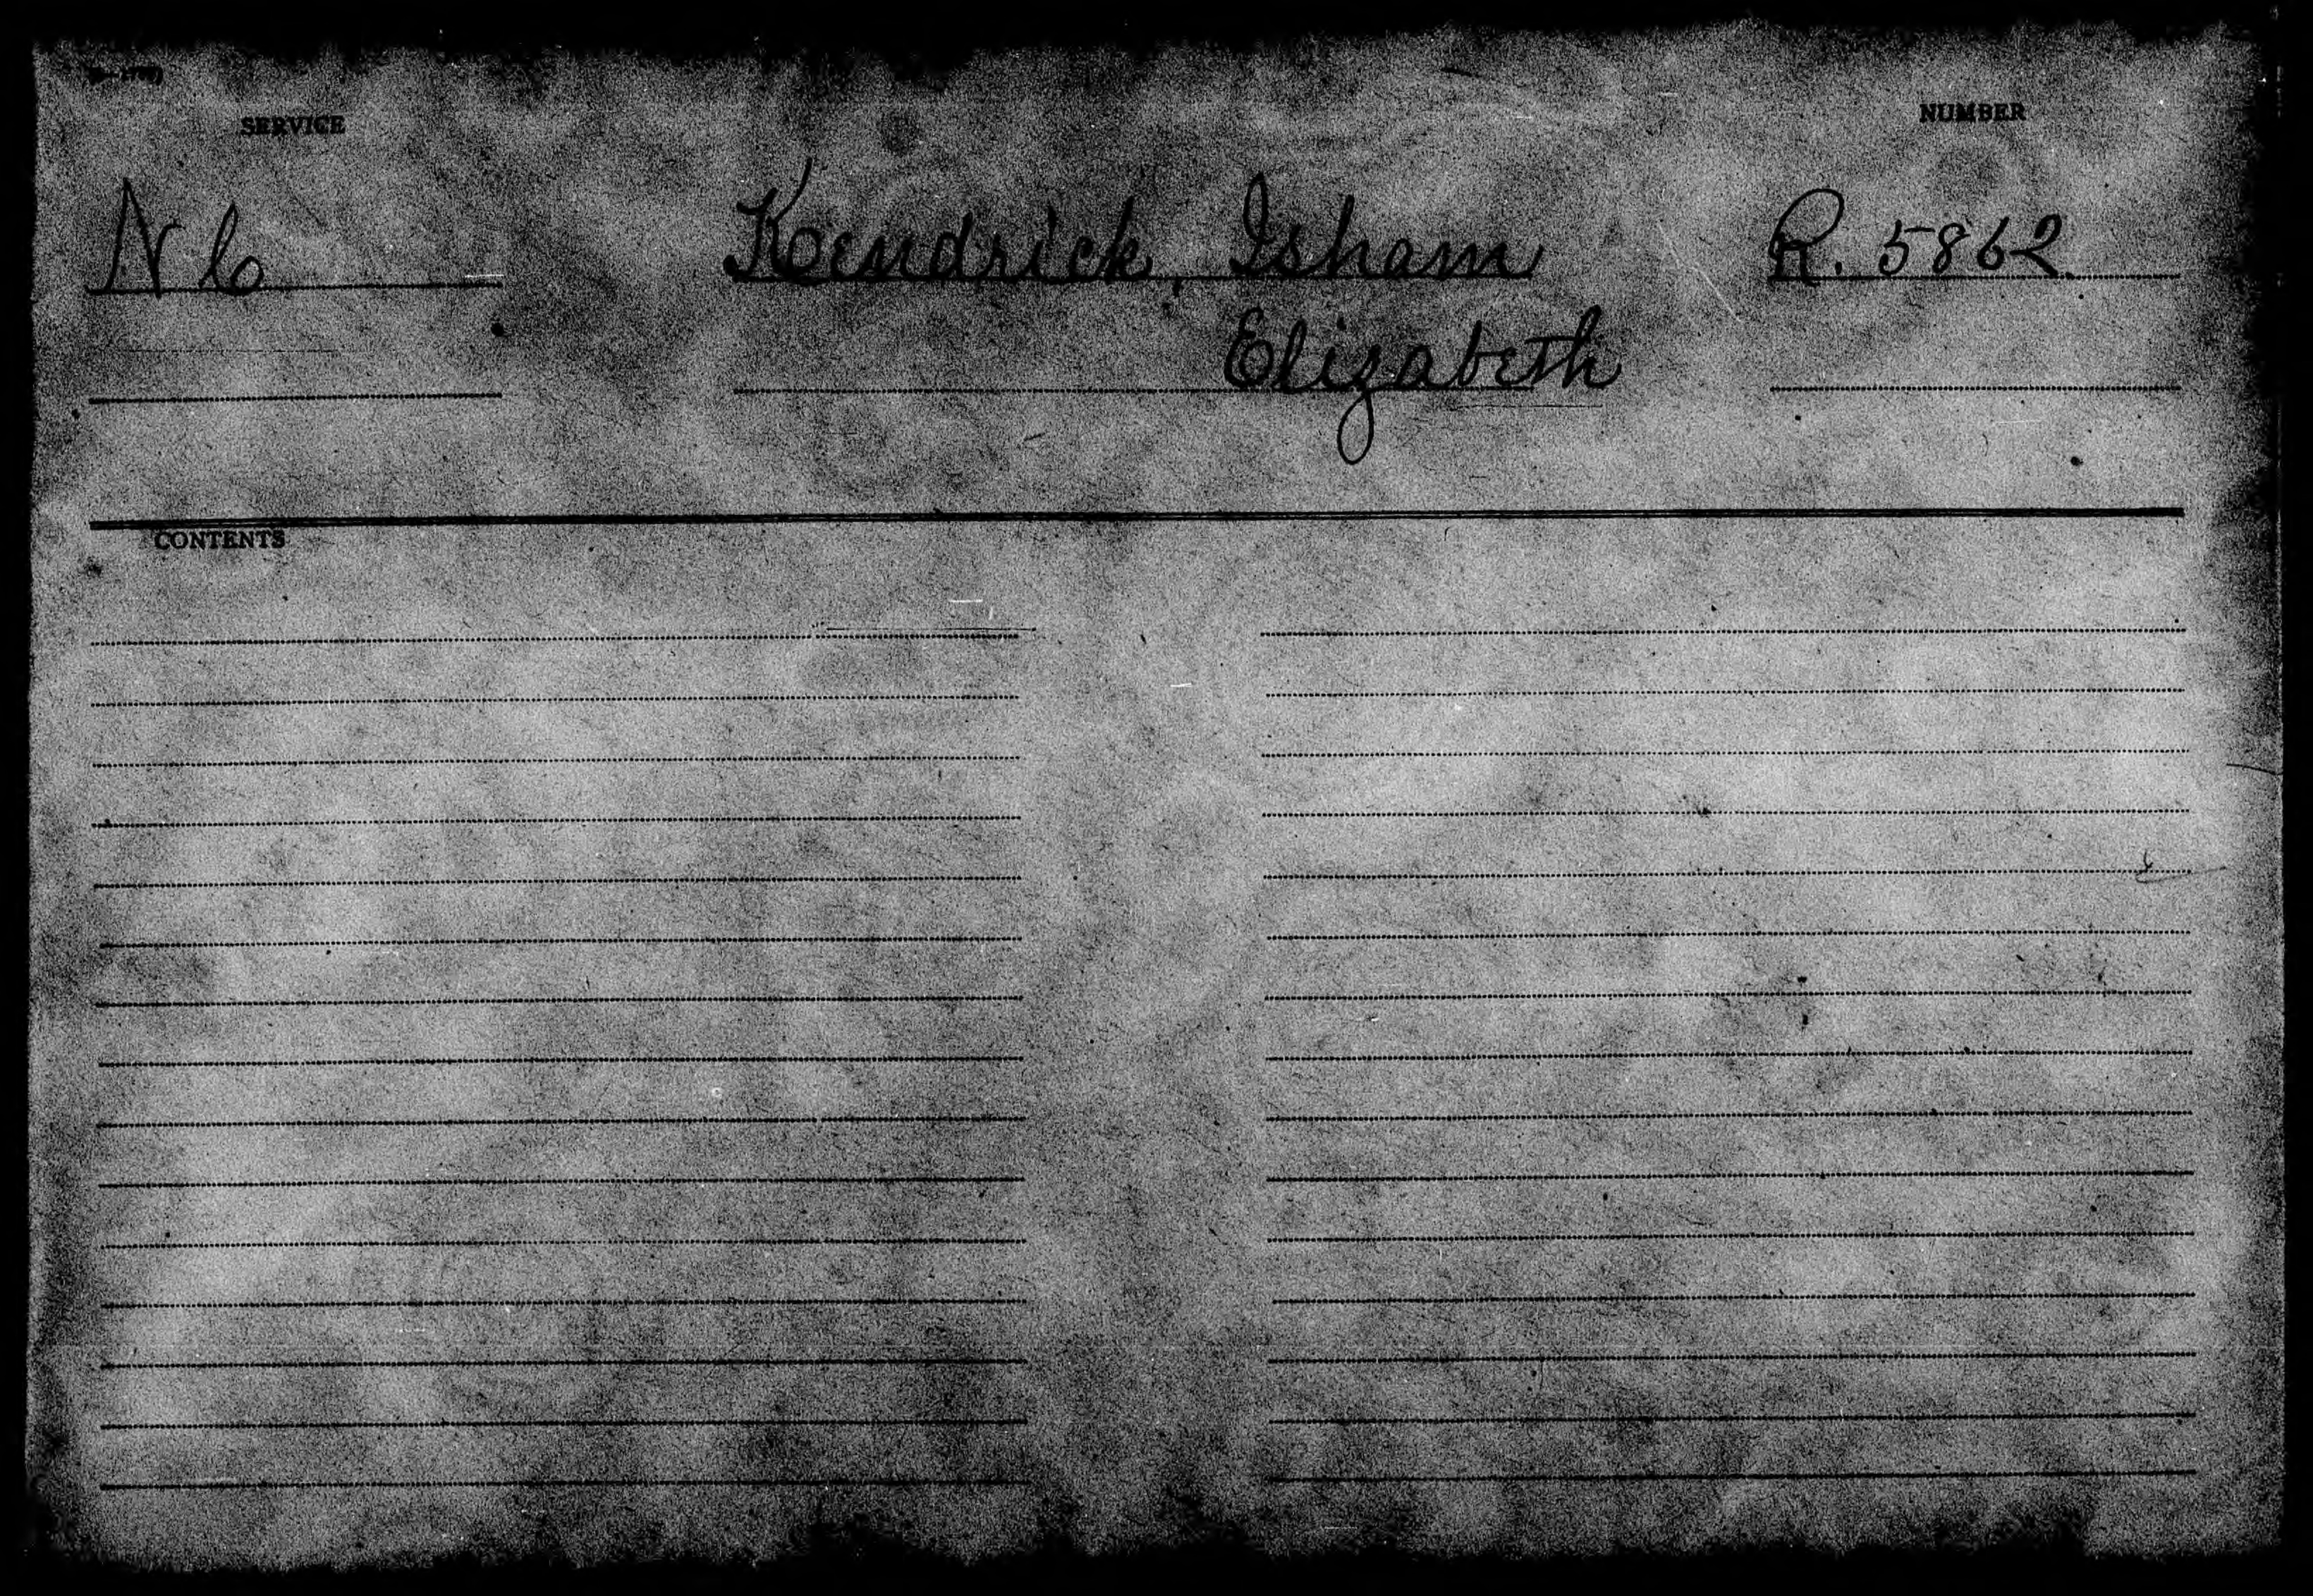(3-1776)

SERVICE                 
N. C.

Kendrick, Isham                                         Elizabeth

NUMBER
R. 5862

CONTENTS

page: 1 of 29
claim: rejected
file: R. 5862, for Isham Kendrick, North Carolina